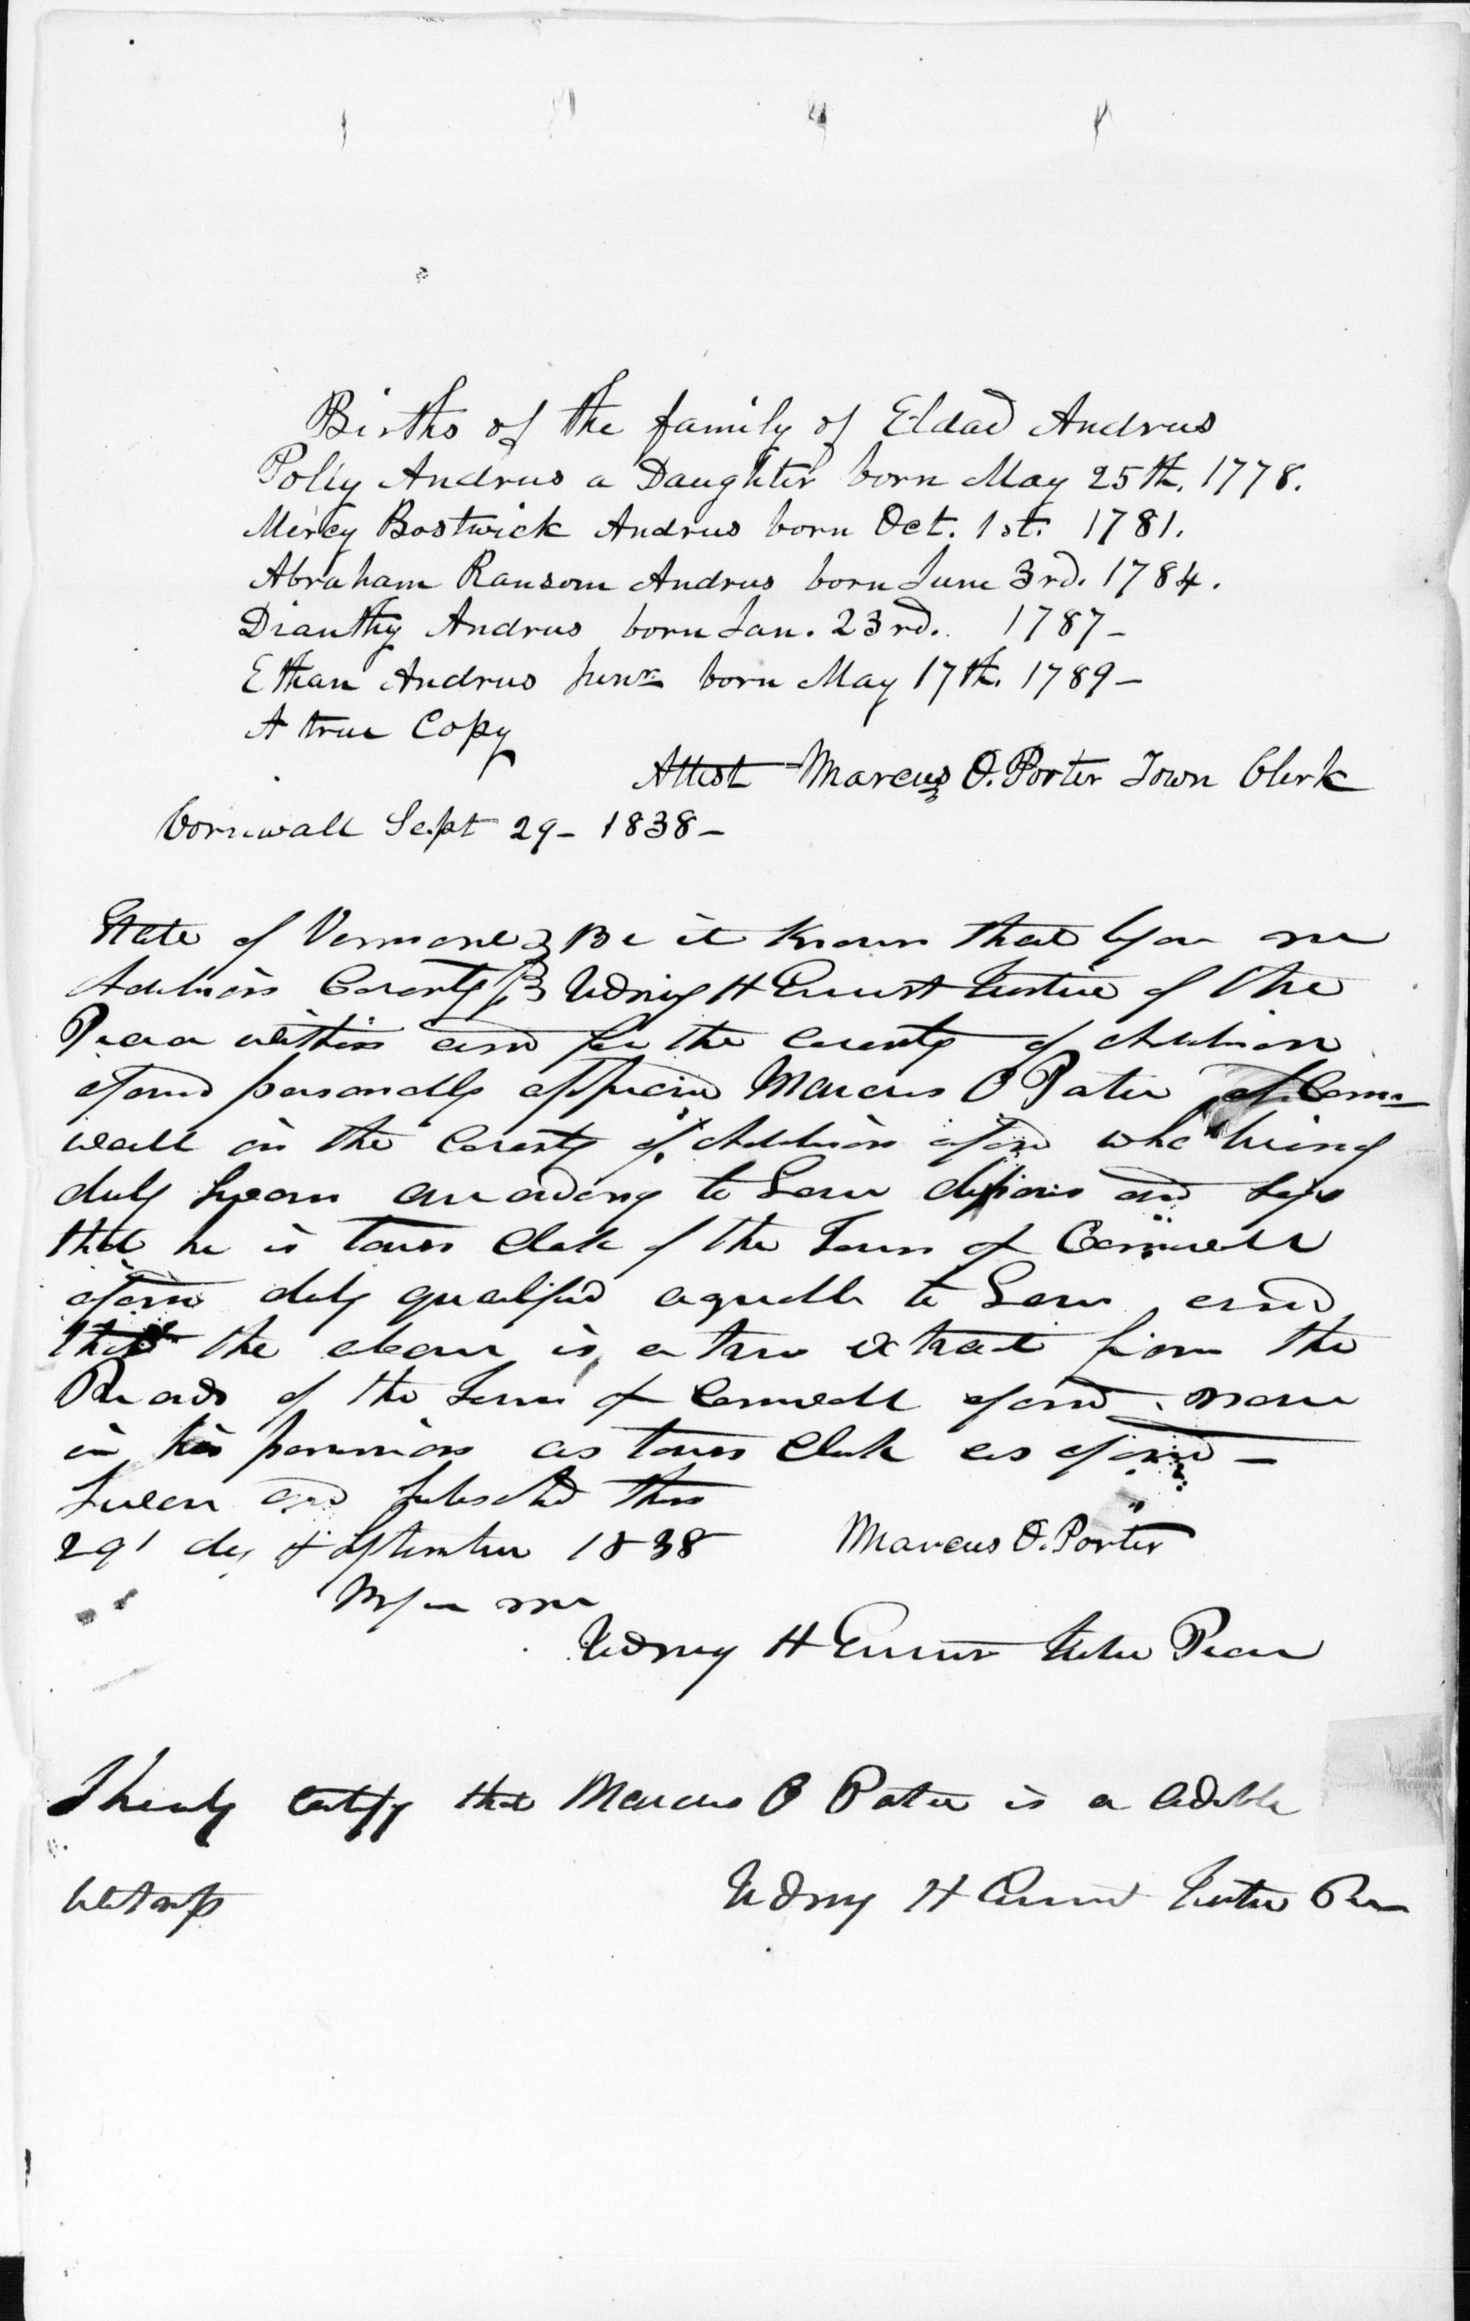Births of the family of Elder Andrews
Polly Andrews a Daughter born May 25th, 1778
Mercy Bostwick Andrews born Oct. 1st. 1781,
Abraham Ransom Andrews born June 3rd 1784.
Dianthy Andrews born Jan. 23rd. 1787-
Ethan Andrews Junr. born May 17th. 1789-
A true Copy
Attest Marcus O. Porter Town Clerk
Cornwall Sept 29. 1838-

State of Vermont ⎬ 
Addison County , ss} 
Be it known that before me Edny H. Everest Justice of the Peace within and by the County of Addison aforesaid  personally appear Marcus O.  Porter of Cornwall in the County of Addison aforesaid who being duly sworn according to law declare and said that he is town clerk of the town of Cornwall's aforesaid duly qualified agreeth to law and that the above is a true & that from the heads of the town of Cornwall aforesaid. Now in his pension as town Clerk as aforesaid- Marcus O. Porter


Sworn and subscribed  this 29th day of September 1838
Before me
Edny H. Everest, Justice of the Peace

I hereby certify that Martha O Porter is a credible witness.
Edny H. Everest Justice of the Peace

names: Udney H Everest, Dianthy Andrus, Ethan Andrus, Marcus O Pater, Udney H Everest, Udney H Everst, Eldad Andrus, Polly Andrus, Marcus O Porter, Marcus O Pater, Mercy Bostwick Andrus, Abraham Ransom Andrus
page: 9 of 27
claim: rejected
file: R. 223, Eldad Andrus, Vt.